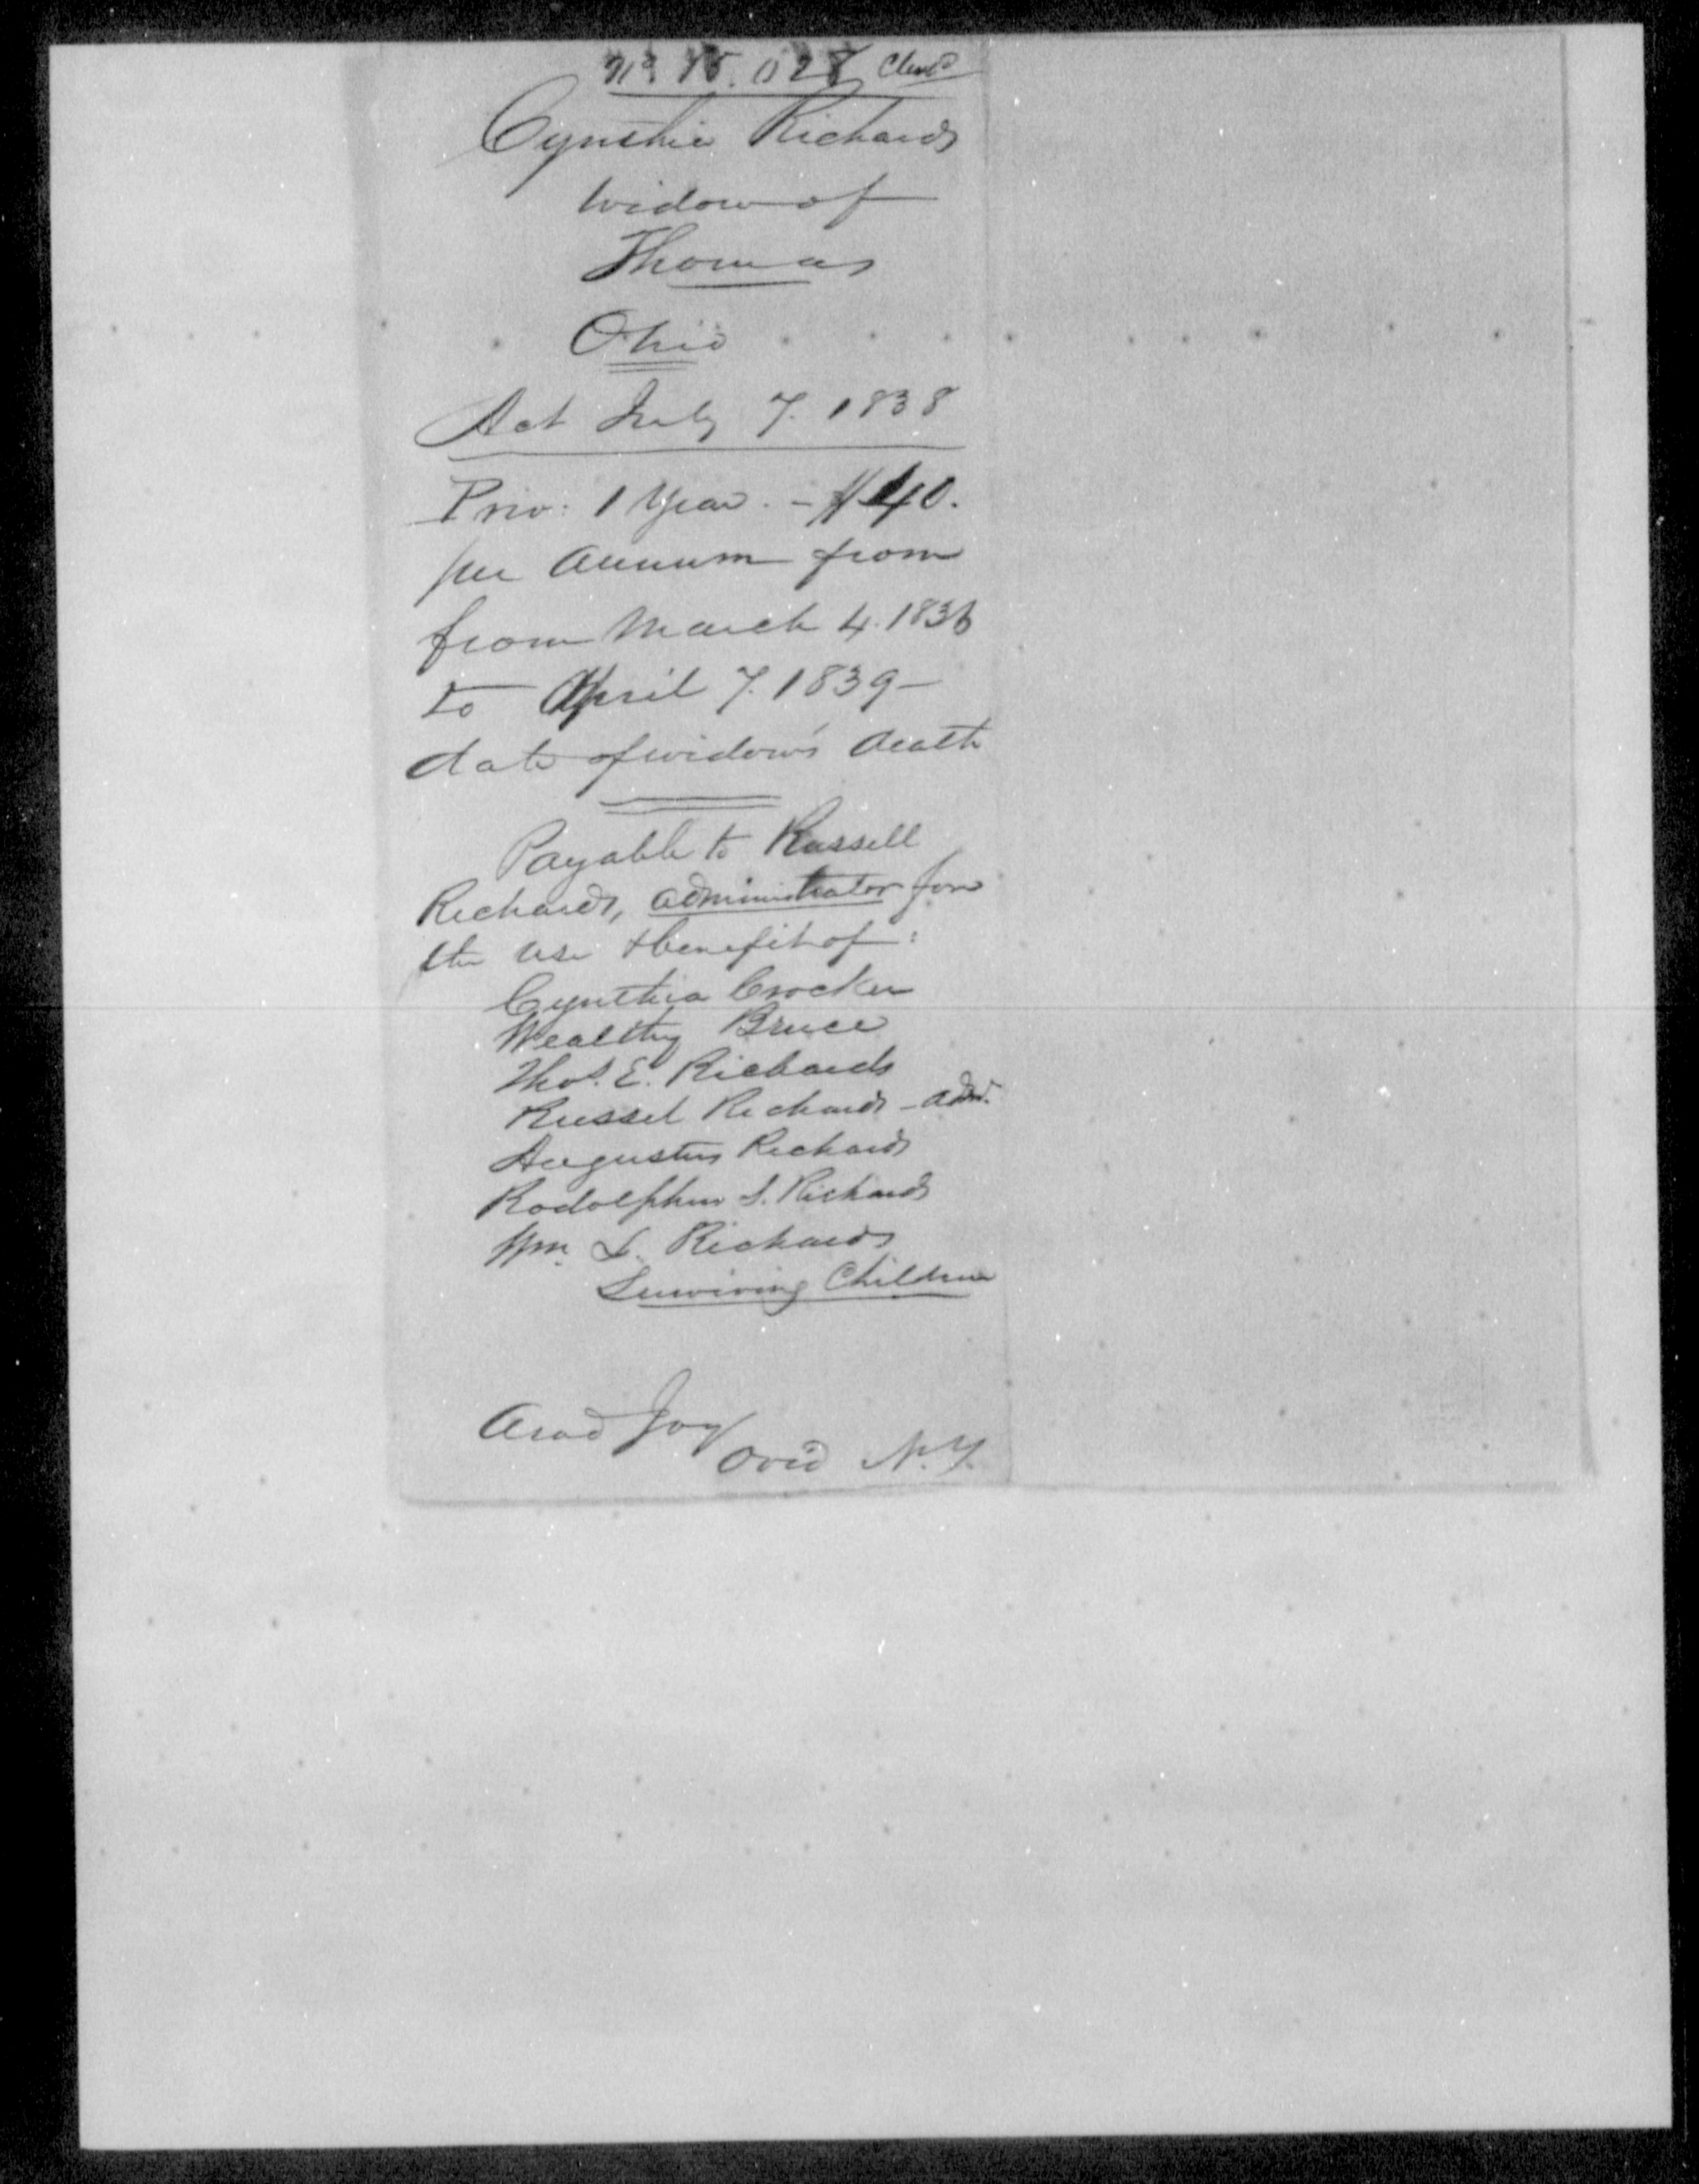No. 75.028 Closd [CLOSED]
Cynthia Richards widow of Thomas Ohio
Act July 7. 1838
Priv. [PRIVATE] 1 year-- $40. per annum from
from March 4. 1836 to April 7. 1839- date of widow's death
Payable to Russell Richards, administrator for
the use & benefit of
Cynthia Crocker
Wealthy Bruce
Thos [THOMAS] E. Richards
Russel Richard adm [ADMINISTRATOR]
Augustus Richards
Rodolphus S. Richards
Wm. [WILLIAM] L. Richards
Surviving Children
Arad Joy Ovid N.Y.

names: Wm L Richards; Cynthia Crocker; Augustus Richards; Thos E Richards; Arad Joy; Rodolphus S Richards; Russell Richards; Cynthia Richards; Thomas Richards; Wealthy Bruce; Russel Richards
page: 62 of 109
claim: widow's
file: W. 5709, for Thomas Richards, New Hampshire